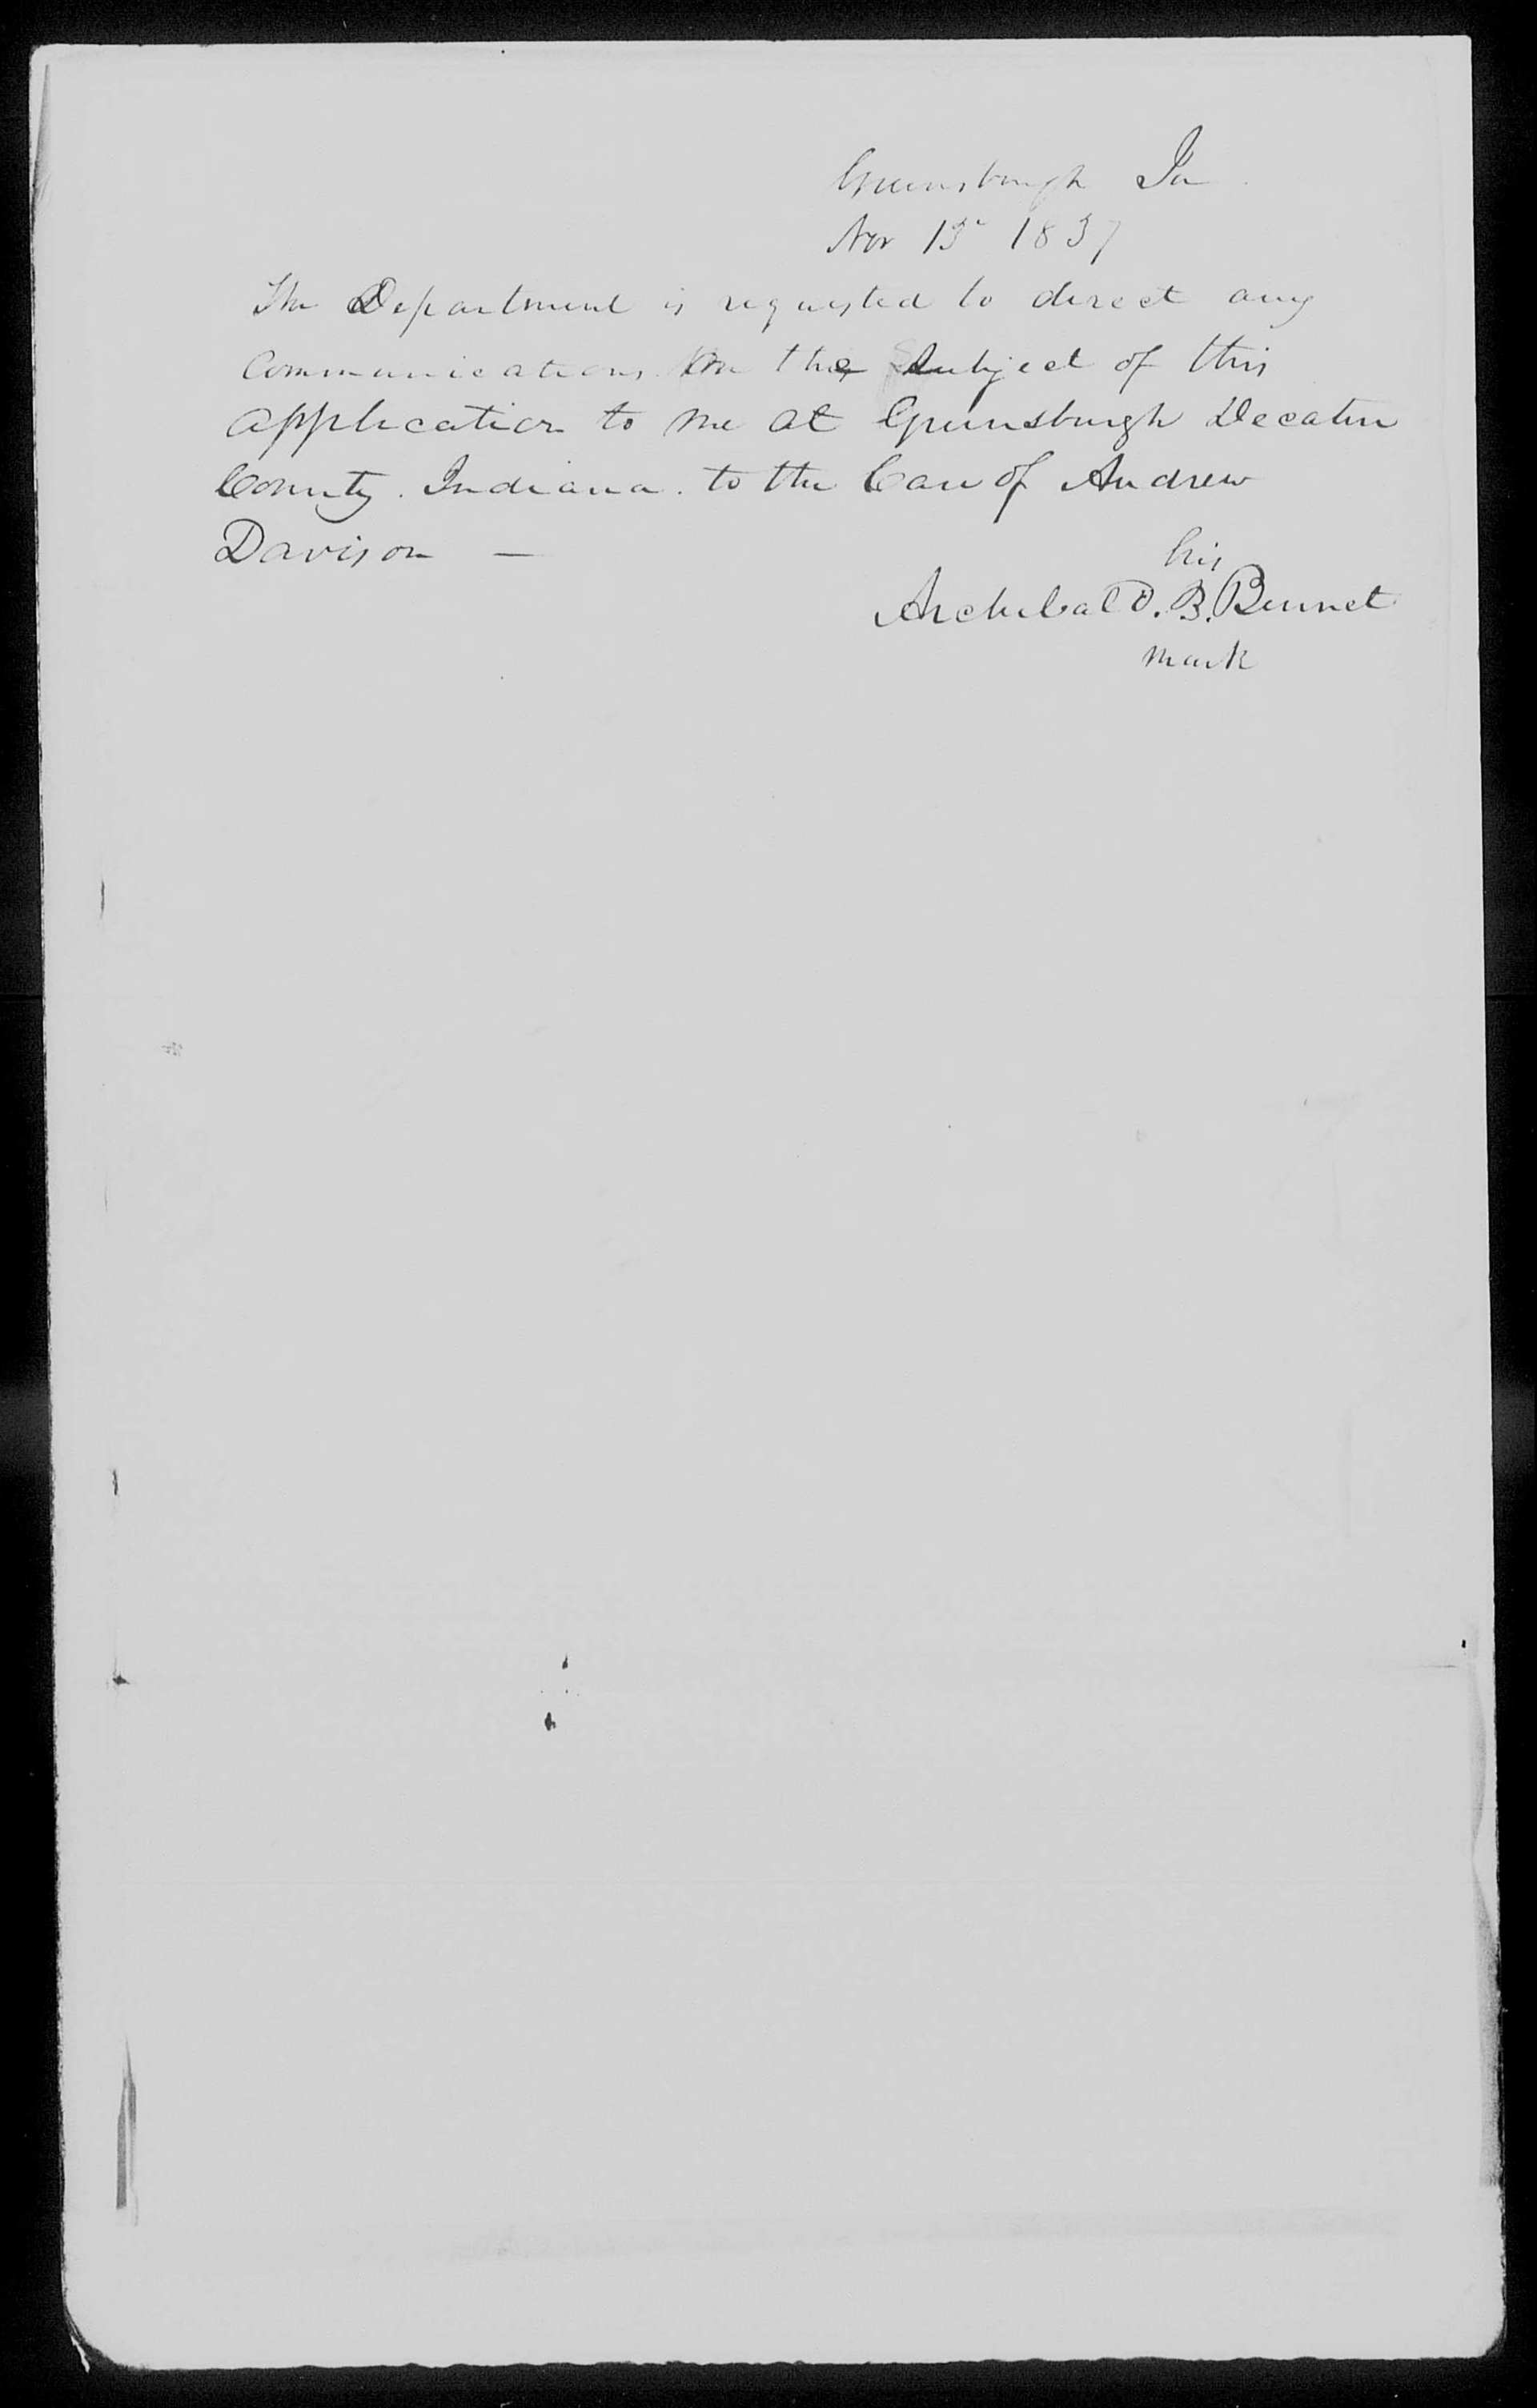Greensburgh, In.
Nov 13th 1837

The Department is requested to direct any communication on the subject of this application to me at Greensburgh Decatur County, Indiana to the care of Andrew Davidson.

                                          his
                         Archibald    X  B. Bennet
                                         mark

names: Archibald B Bennet, Andrew Davison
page: 9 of 9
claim: rejected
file: R 749, Archibald Bennet, Penn.